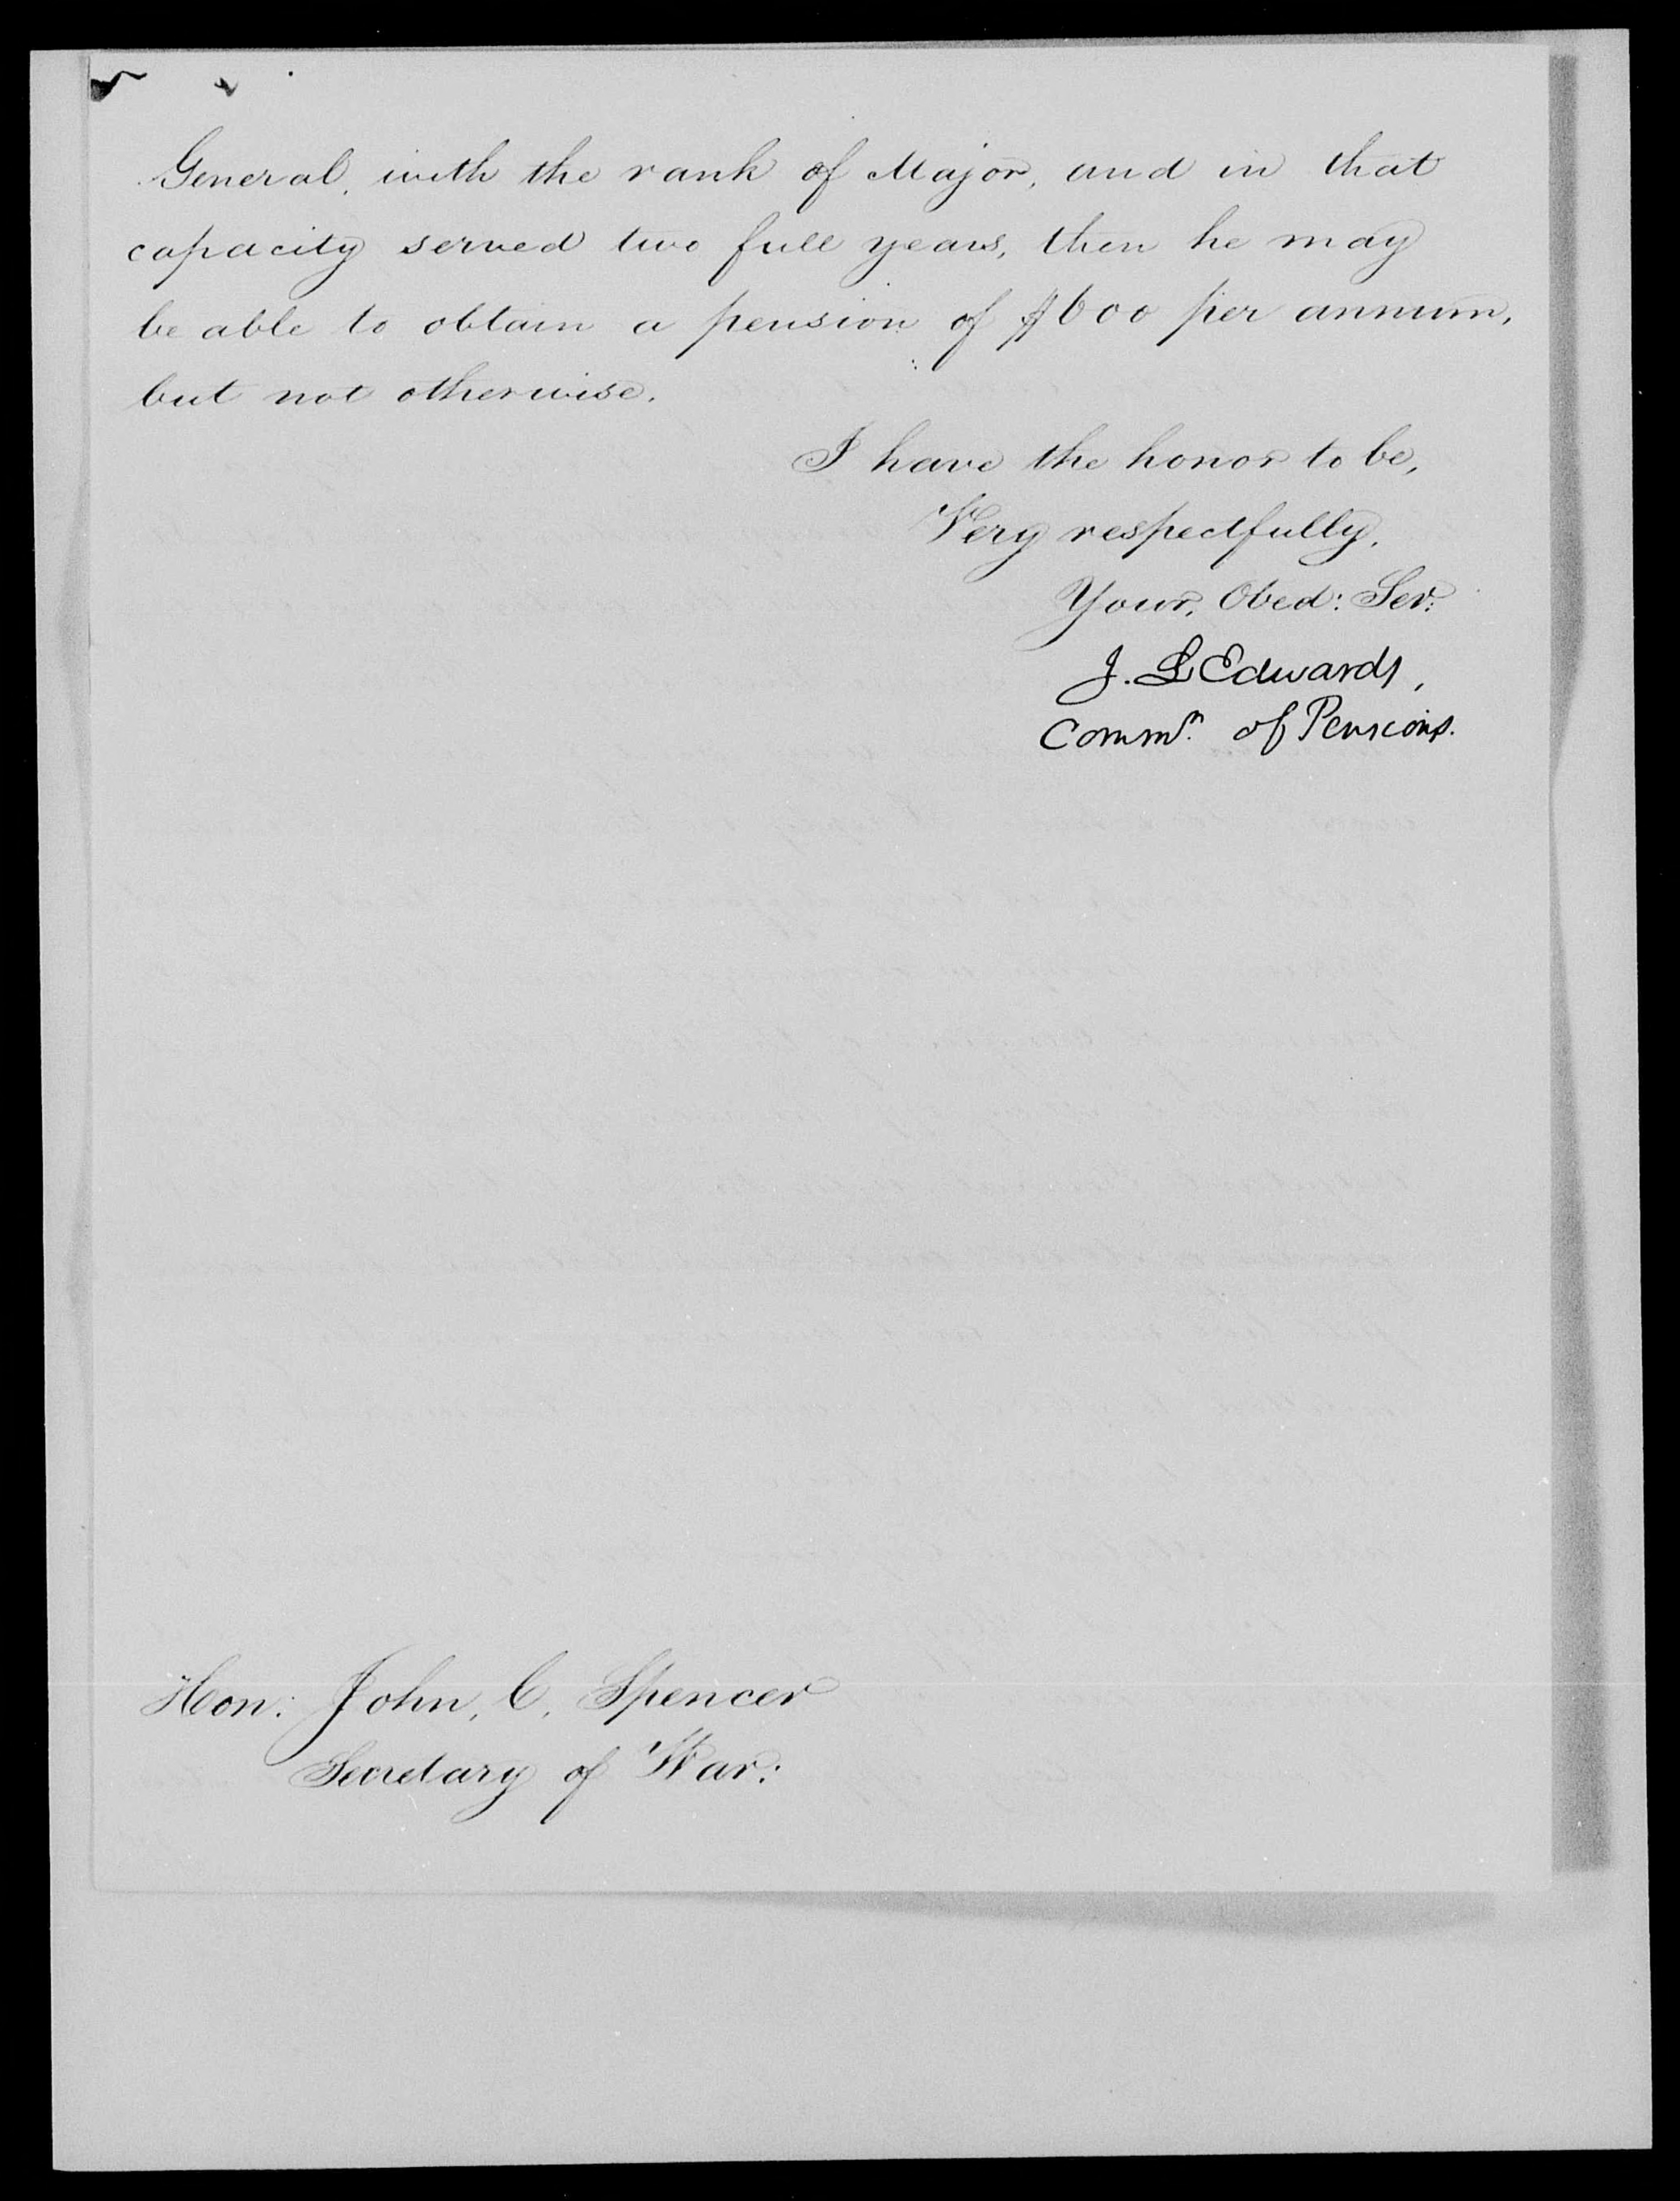General with the rank of Major, and in that capacity served two full years, then he may
to obtain a pension of $600 per annum
but not otherwise,
I have the honor to be
Very respectfully,
Your, Obed: Ser:
J. L. Edwards
Commr of Pensions

Hon. John C. Spencer
Secretary of War

Hon. John C. Spencer
Secretary of War:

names: J L Edwards; John C Spencer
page: 37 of 75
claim: survivor's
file: S. 9989, for William Popham, Delaware